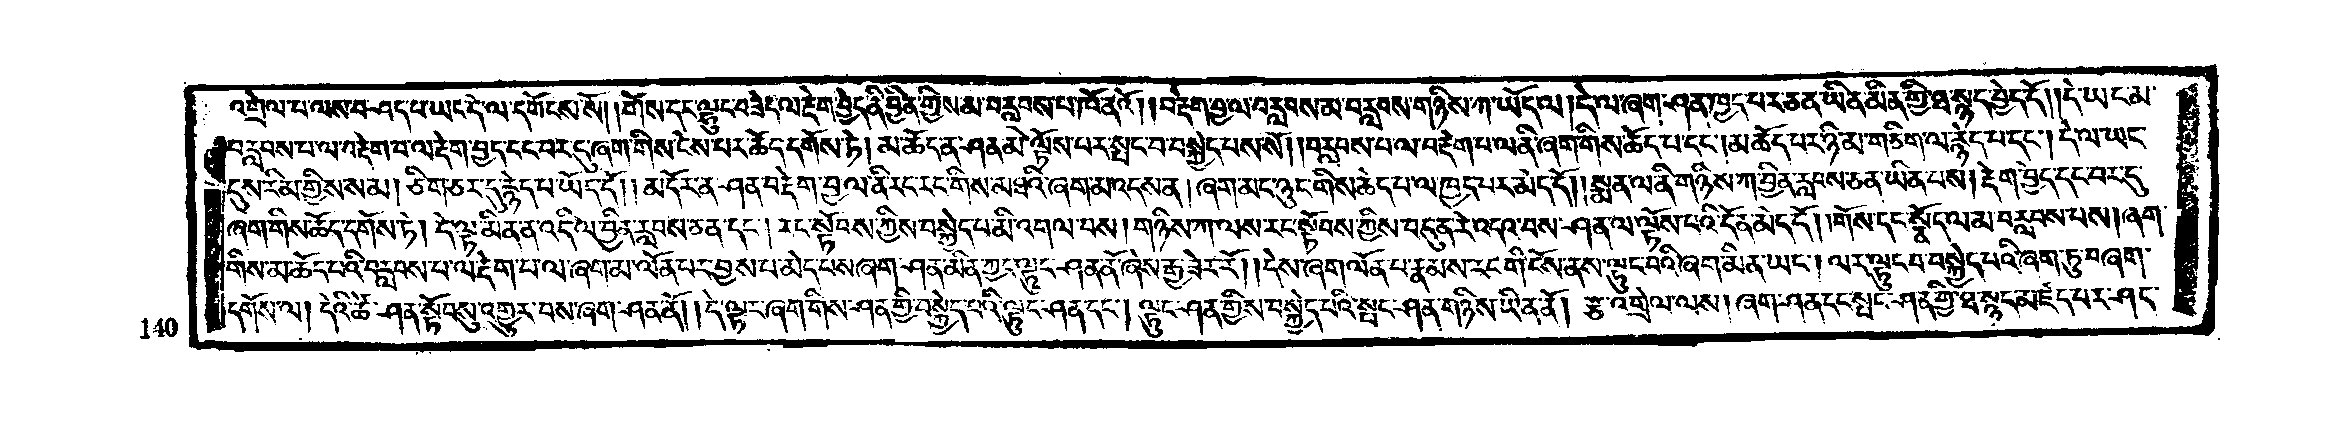འགྲེལ་པ་ལས་བཤད་པ་ཡང་དེ་ལ་དགོངས་སོ། །གོས་དང་ལྷུང་བཟེད་ལ་རྡེག་བྱེད་ནི་བྱིན་གྱིས་མ་བརླབས་པ་ཁོ་ནའོ། །བརྡེག་བྱ་ལ་བརླབས་མ་བརླབས་གཉིས་ཀ་ཡོད་ལ། དེ་ལ་ཞག་ཤན་ཁྱད་པར་ཅན་ཡིན་མིན་གྱི་ཐ་སྙད་བྱེད་དོ། །དེ་ཡང་མ་
བརླབས་པ་ལ་བརྡེག་པ་ལ་རྡེག་བྱད་དང་བར་དུ་ཞག་གིས་ངེས་པར་ཆོད་དགོས་ཏེ། མ་ཆོད་ན་ཤན་མི་ལྟོས་པར་སྤང་བ་བསྐྱེད་པས་སོ། །བརླབས་པ་ལ་བརྡེག་པ་ལ་ནི་ཞག་གིས་ཆོད་པ་དང་། མཆོད་པར་ཉི་མ་གཅིག་ལ་རྙེད་པ་དང་། དེ་ལ་ཡང་
དུས་རིམ་གྱིས་སམ། ཅིག་ཅར་དུ་རྙེད་པ་ཡོད་དོ། །མདོར་ན་ཤན་བརྡེག་བྱ་ལ་ནི་རང་རང་གིས་མཐའི་ཞག་མ་འདས་ན། ཞག་མང་ཉུང་གིས་ཆོད་པ་ལ་ཁྱད་པར་མེད་དོ། །སྨན་ལ་ནི་གཉིས་ཀ་བྱིན་རླབས་ཅན་ཡིན་པས། རྡེག་བྱེད་དང་བར་དུ་
ཞག་གིས་ཆོད་དགོས་ཏེ། དེ་ལྟ་མིན་ན་འདི་ལ་བྱིན་རླབས་ཅན་དང་། རང་སྟོབས་ཀྱིས་བསྐྱེད་པ་མི་འགལ་བས། གཉིས་ཀ་ལས་རང་སྟོབས་ཀྱིས་བདུན་རེ་འདའ་བས་ཤན་ལ་ལྟོས་པའི་དོན་མེད་དོ། །གོས་དང་སྣོད་ལ་མ་བརླབས་པས། ཞག་
གིས་མ་ཆོད་པའི་བརླབས་པ་ལ་རྡེག་པ་ལ་ཞག་མ་ལོན་པར་བྱས་པ་མེད་པས་ཞག་ཤན་མིན་ཀྱང་ལྟུང་ཤན་ནོ་ཞེས་རྒྱ་ཟེར་རོ། །དེས་ཞག་ལོན་པ་རྣམས་རང་གི་ངོས་ནས་ལྟུང་བའི་ཞག་མིན་ཡང་། ལར་ལྟུང་བ་བསྐྱེད་པའི་ཞག་ཏུ་བཞག་
དགོས་ལ། དེའི་ཚེ་ཤན་སྟོབས་སུ་འགྱུར་བས་ཞག་ཞན་ནོ། །དེ་ལྟར་ཞག་གིས་ཤན་གྱི་བསྐྱེད་པའི་ལྟུང་ཤན་དང་། ལྟུང་ཤན་གྱིས་བསྐྱེད་པའི་སྤང་ཤན་གཉིས་ཡིན་ནོ། རྩ་འགྲེལ་ལས། ཞག་ཤན་དང་སྤང་ཤན་གྱི་ཐ་སྙད་མཛད་པར་ཤན་